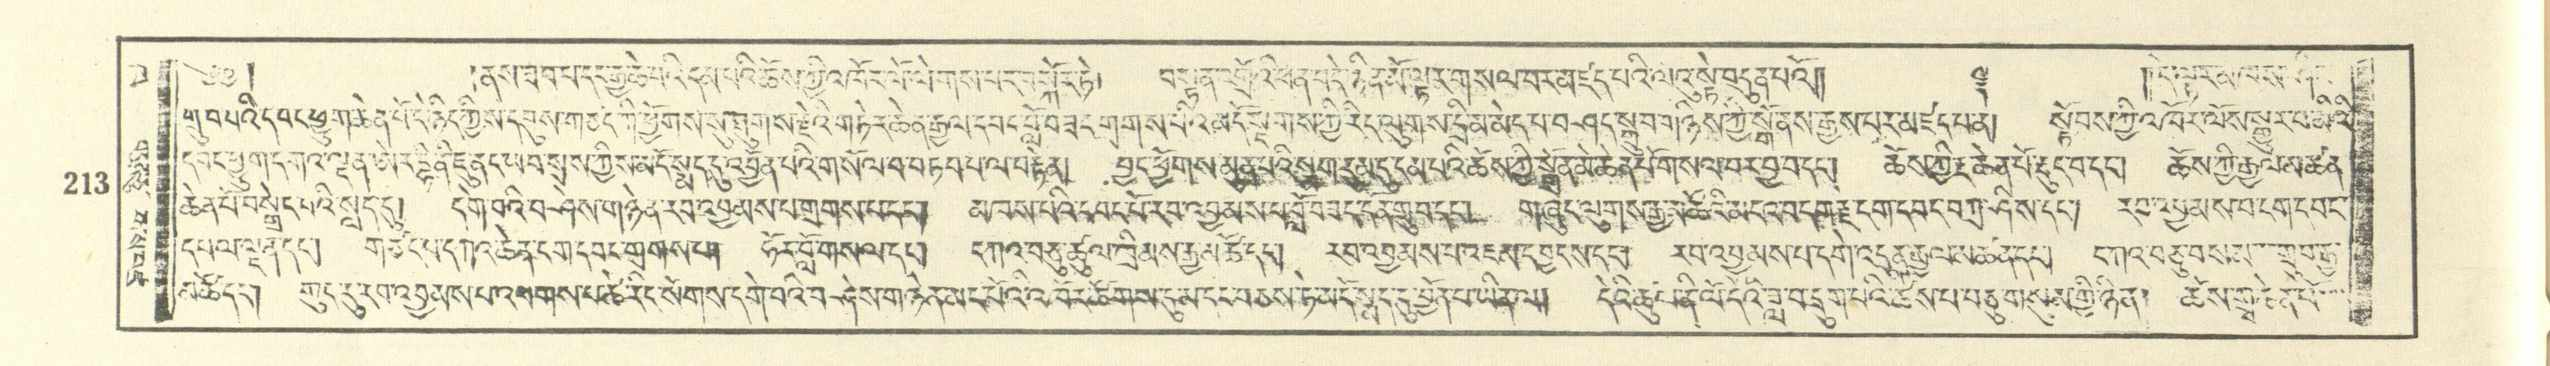༄༅། །ནས་ཟབ་པ་དང་རྒྱ་ཆེ་བའི་དམ་པའི་ཆོས་ཀྱི་འཁོར་ལོ་ལེགས་པར་བསྐོར་ཏེ། བསྟན་འགྲོའི་ཕན་བདེ་ཉིན་མོ་ལྟར་གསལ་བར་མཛད་པའི་ལེའུ་སྟེ་བདུན་པའོ།། ༈ །།དེ་ལྟར་མཁས་ཤིང་
གྲུབ་པའི་དབང་ཕྱུག་ཆེན་པོ་དེ་ཉིད་ཀྱིས་དབུས་གཙང་གི་ཕྱོགས་སུ་ཐུགས་རྗེའི་གཏེར་ཆེན་རྒྱལ་དབང་བློ་བཟང་གྲགས་པའི་མདོ་སྔགས་ཀྱི་རིང་ལུགས་དྲི་མ་མེད་པ་བཤད་སྒྲུབ་གཉིས་ཀྱི་སྒོ་ནས་རྒྱས་པར་མཛད་པ་ན། སྟོབས་ཀྱི་འཁོར་ལོས་སྒྱུར་བ་མིའི་
དབང་ཕྱུག་དགའ་ལྡན་ཨེར་དྷི་ནི་ཇུ་ནང་ཡབ་སྲས་ཀྱིས་མདོ་སྨད་དུ་འབྱོན་པའི་གསོལ་བ་བཏབ་པ་ལ་བརྟེན། བྱང་ཕྱོགས་མུན་པའི་སྨག་རུམ་དུ་ངམ་པའི་ཆོས་ཀྱི་སྒྲོན་མེ་ཆེན་པོ་གསལ་བར་བྱ་བ་དང་། ཆོས་ཀྱི་རྔ་ཆེན་པོ་རྡུང་བ་དང་། ཆོས་ཀྱི་རྒྱལ་མཚན་
ཆེན་པོ་བསྒྲེང་པའི་སླད་དུ། དགེ་བའི་བཤེས་གཉེན་རབ་འབྱམས་པ་གྲགས་པ་དང་། མཁས་པའི་དབང་པོ་རབ་འབྱམས་པ་བློ་བཟང་དོན་གྲུབ་དང་། གཞུང་ལུགས་རྒྱ་མཚོའི་མངའ་བདག་རྗེ་དག་དབང་བཀྲ་ཤིས་དང་། རབ་འབྱམས་པ་ངག་དབང་
དཔལ་ལྡན་དང་། གཙང་པ་དཀའ་ཆེན་ངག་དབང་གྲགས་པ། ཧོར་བློ་གསལ་དང་། དཀའ་བཅུ་ཚུལ་ཁྲིམས་རྒྱ་མཚོ་དང་། རབ་འབྱམས་པ་འཇམ་དབྱངས་དང་། རབ་འབྱམས་པ་དགེ་འདུན་རྒྱལ་མཚན་དང་། དཀའ་བཅུ་བསམ་གྲུབ་རྒྱ་
མཚོ་དང་། གུང་དུ་རབ་འབྱམས་པ་འཕགས་པ་ཚེ་རིང་སོགས་དགེ་བའི་བཤེས་གཉེན་མང་པོའི་འཁོར་ཚོགས་དུ་མ་དང་བཅས་ཏེ་མདོ་སྨད་དུ་བྱོན་པ་ཡིན་ལ། དེའི་ཚུལ་ནི་ལོ་དེའི་ཟླ་བ་དྲུག་པའི་ཚས་པ་བཅུ་གསུམ་གྱི་ཉིན། ཆོས་གྲྭ་ཆེན་པོ་